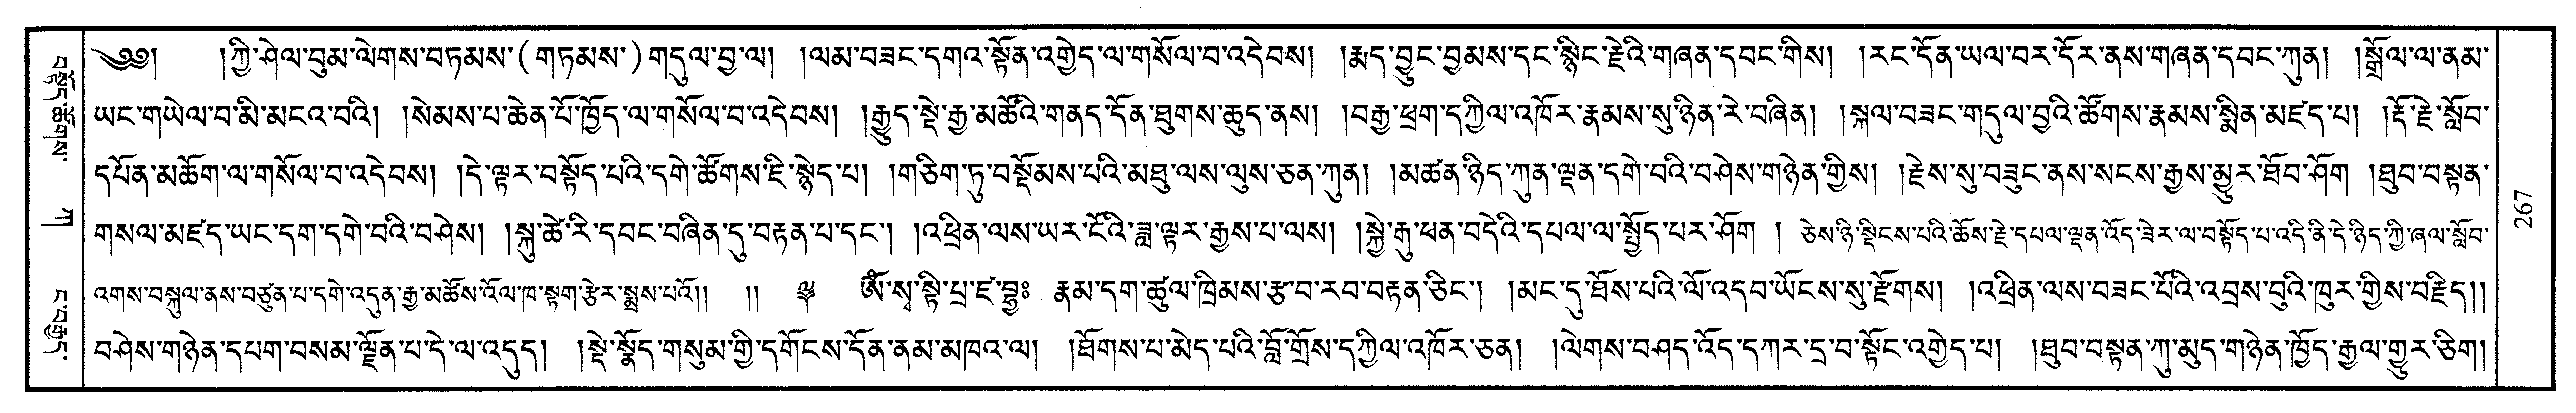༄༅། །ཀྱི་ཤེལ་བུམ་ལེགས་བཏམས་གཏམས་གདུལ་བྱ་ལ། །ལམ་བཟང་དགའ་སྟོན་འགྱེད་ལ་གསོལ་བ་འདེབས། །རྨད་བྱུང་བྱམས་དང་སྙིང་རྗེའི་གཞན་དབང་གིས། །རང་དོན་ཡལ་བར་དོར་ནས་གཞན་དབང་ཀུན། །སྒྲོལ་ལ་ནམ་
ཡང་གཡེལ་བ་མི་མངའ་བའི། །སེམས་པ་ཆེན་པོ་ཁྱོད་ལ་གསོལ་བ་འདེབས། །རྒྱུད་སྡེ་རྒྱ་མཚོའི་གནད་དོན་ཐུགས་ཆུད་ནས། །བརྒྱ་ཕྲག་དཀྱིལ་འཁོར་རྣམས་སུ་ཉིན་རེ་བཞིན། །སྐལ་བཟང་གདུལ་བྱའི་ཚོགས་རྣམས་སྨིན་མཛད་པ། །རྡོ་རྗེ་སློབ་
དཔོན་མཆོག་ལ་གསོལ་བ་འདེབས། །དེ་ལྟར་བསྟོད་པའི་དགེ་ཚོགས་ཇི་སྙེད་པ། །གཅིག་ཏུ་བསྡོམས་པའི་མཐུ་ལས་ལུས་ཅན་ཀུན། །མཚན་ཉིད་ཀུན་ལྡན་དགེ་བའི་བཤེས་གཉེན་གྱིས། །རྗེས་སུ་བཟུང་ནས་སངས་རྒྱས་མྱུར་ཐོབ་ཤོག །ཐུབ་བསྟན་
གསལ་མཛད་ཡང་དག་དགེ་བའི་བཤེས། །སྐུ་ཚེ་རིང་དབང་བཞིན་དུ་བརྟན་པ་དང་། །འཕྲིན་ལས་ཡར་ངོའི་ཟླ་ལྟར་རྒྱས་པ་ལས། །སྐྱེ་རྒུ་ཕན་བདེའི་དཔལ་ལ་སྤྱོད་པར་ཤོག །ཅེས་ཉི་སྡིངས་པའི་ཆོས་རྗེ་དཔལ་ལྡན་འོད་ཟེར་ལ་བསྟོད་པ་འདི་ནི་དེ་ཉིད་ཀྱི་ཞལ་སློབ་
འགས་བསྐུལ་ནས་བཙུན་པ་དགེ་འདུན་རྒྱ་མཚོས་འོལ་ཁ་སྟག་རྩེར་སྨྲས་པའོ།། །། ༈ ཨོཾ་སྭ་སྟི་པྲ་ཛ་བྷྱཿ རྣམ་དག་ཚུལ་ཁྲིམས་རྩ་བ་རབ་བརྟན་ཅིང་། །མང་དུ་ཐོས་པའི་ལོ་འདབ་ཡོངས་སུ་རྫོགས། །འཕྲིན་ལས་བཟང་པོའི་འབྲས་བུའི་ཁུར་གྱིས་བརྗིད།།
བཤེས་གཉེན་དཔག་བསམ་ལྗོན་པ་དེ་ལ་འདུད། །སྡེ་སྣོད་གསུམ་གྱི་དགོངས་དོན་ནམ་མཁའ་ལ། །ཐོགས་པ་མེད་པའི་བློ་གྲོས་དཀྱིལ་འཁོར་ཅན། །ལེགས་བཤད་འོད་དཀར་དྲ་བ་སྟོང་འགྱེད་པ། །ཐུབ་བསྟན་ཀུ་མུད་གཉེན་ཁྱོད་རྒྱལ་གྱུར་ཅིག།